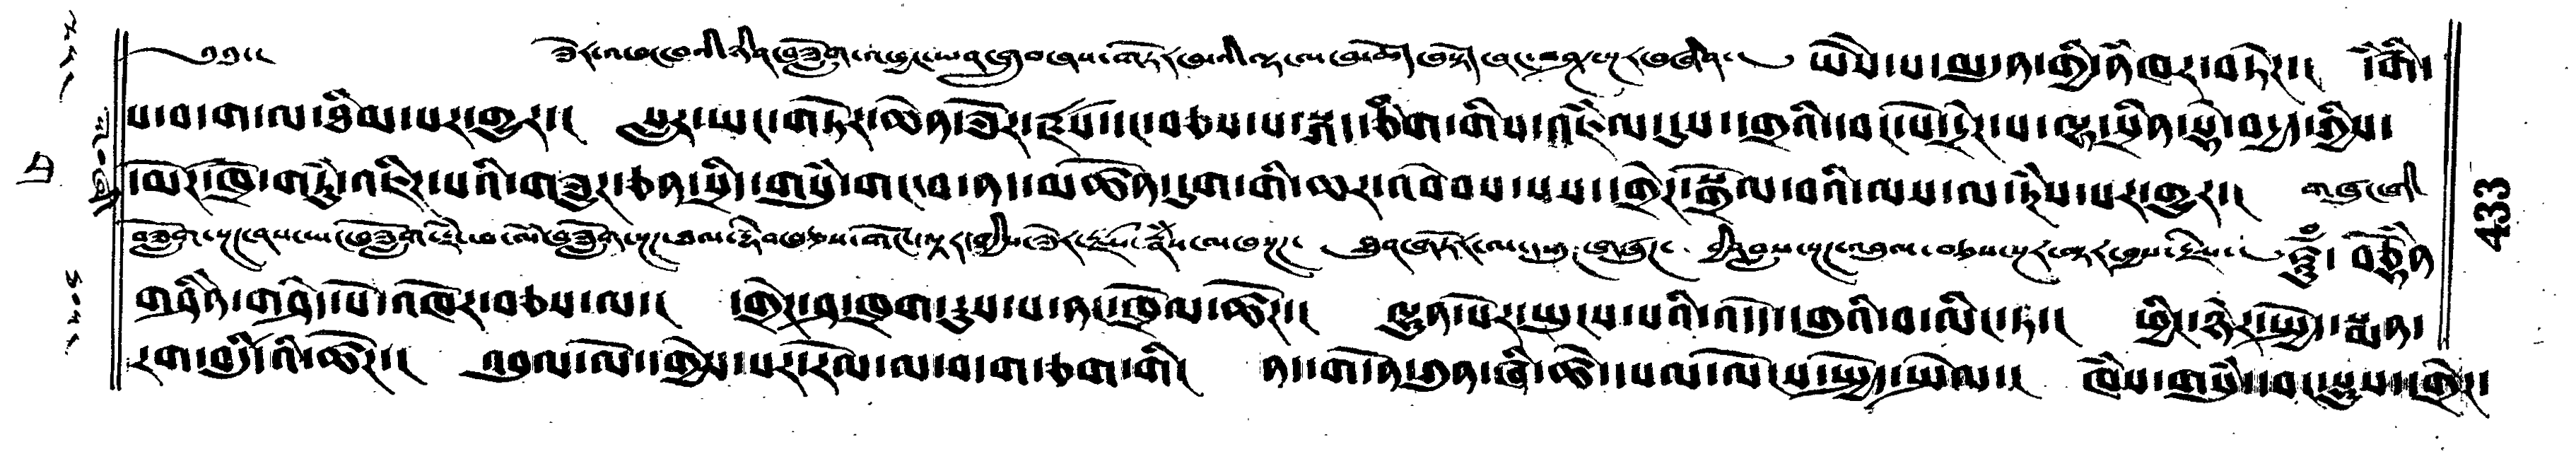ཟོར་འཕང་བའི་ཉིན་ཟློག་འཕྱང་ཡན་གྲུབ་ནས་གཏོར་མའི་ལྷ་ལ་མཆོད་བསྟོད་ནོངས་བཤགས་སྔར་བཞིན། ཡེ་ཤེས་པ་མདུན་གྱི་ནམ་མཁར་བཏེགས། དམ་ཚིག་
པ་བདག་ལ་ཐིམ་པར་གྱུར། སླར་ཡང་གཏོར་ཆེན་ཟོར་རྫས་དང་བཅས་པ་སྐད་ཅིག་གིས་འཇམ་དཔལ་བདུད་དགྲའི་དབང་པོ་དྲེགས་པ་ལྷ་སྲིན་སྡེ་བརྒྱད་ཀྱིས་
དམག་ཚོགས་ཁྲོ་གཏུམ་འཇིགས་པའི་གཟུགས་ཅན་སྲིད་གསུམ་གང་བ་ནད་མཚོན་དུག་གི་ཆར་འབེབས་པས་དགྲ་བགེགས་སྒྲོལ་བའི་ལས་ལ་རྔམ་པར་གྱུར། གཞུང་གི་
ཟློག་སྔགས་ནས་ཡང་ཟློག་རྡོ་རྗེ་ཕ་ལམ་ཟློག་སྔགས་ཐལ་རྡེབ་བཅས་གོང་ལྟར་གྱིས་ཟོར་རྫས་རྣམས་ལ་བསྔགས། ཐུན་གཏོར་ལ་དགུག་གཞུགས་བྱིན་རླབས་སྔགས་འབུལ་བཅས་སྔར་ལྟར་བྱས་རྗེས། ཧཱུྃ། བཅོམ་ལྡན་
གཤིན་རྗེ་གཤེད་པོ་འཁོར་བཅས་ལ། །དགྲ་བགེགས་ཤ་ཁྲག་རུས་པ་ནང་ཁྲོལ་ཚོགས། །ལྷུན་པོར་སྤུངས་པའི་འདོད་དགུའི་བ་ལིང་ཏ། །ཕྱི་ནང་ཉེར་སྤྱོད་སྨན་
རག་བདུད་རྩིའི་ཚོགས། །འབུལ་ལོ་དགྱེས་པར་རོལ་ལ་བདག་ཅག་གི །ནད་གདོན་ཀུན་ཞི་ཚེ་དཔལ་ལོངས་སྤྱོད་སྤེལ། །ཁམས་གསུམ་དབང་སྡུས་དགྲ་བགེགས་